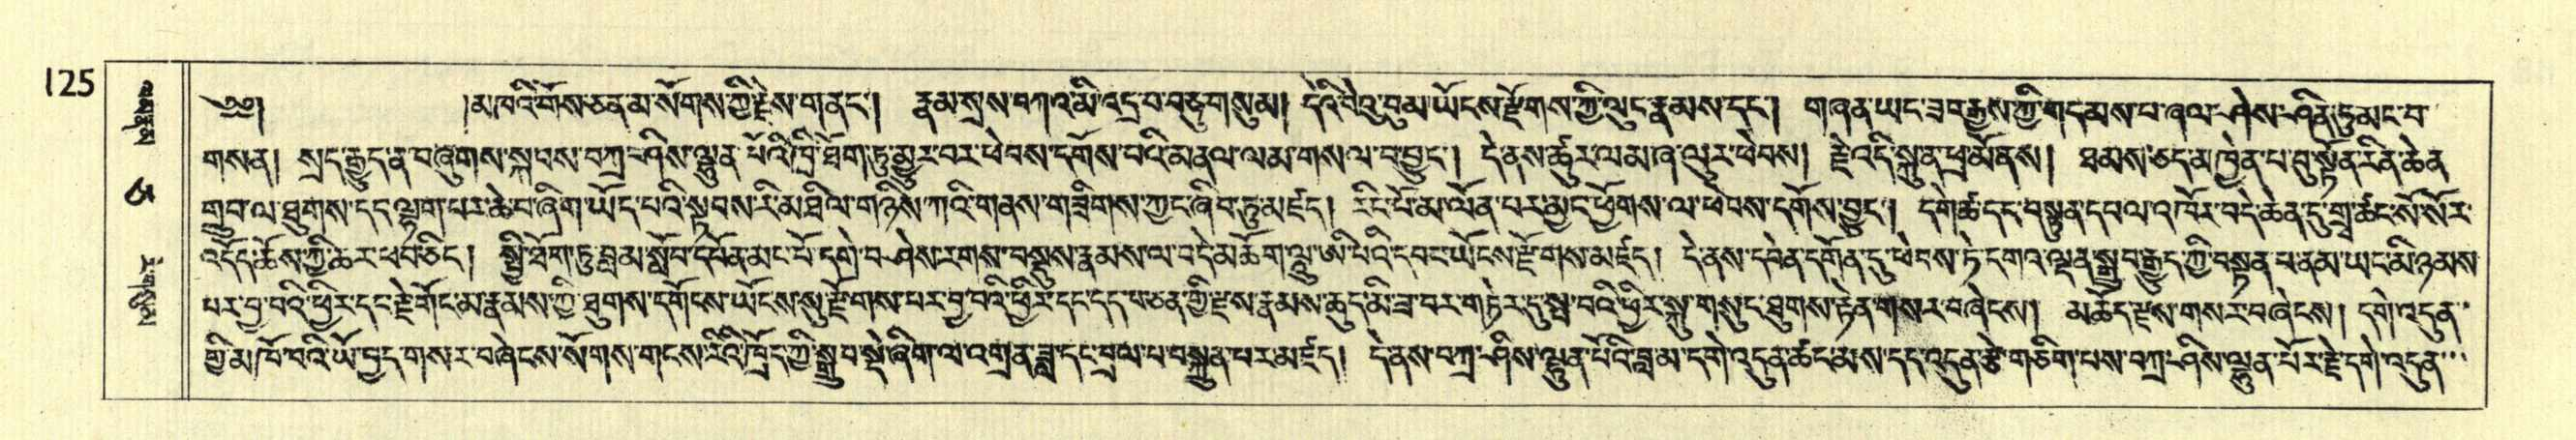༄༅། །མཁའི་གོས་ཅན་མ་སོགས་ཀྱི་རྗེས་གནང་། རྣམ་སྲས་བཀའ་མི་འདྲ་བ་བཅུ་གསུམ་།དེའི་བེའུ་བུམ་ཡོངས་རྫོགས་ཀྱི་ལུང་རྣམས་དང་། གཞན་ཡང་ཟབ་རྒྱས་ཀྱི་གདམས་པ་ཞལ་ཤེས་ཤིན་ཏུ་མང་བ་
གསན། སྲད་རྒྱུད་ན་བཞུགས་སྐབས་བཀྲ་ཤིས་ལྷུན་པོའི་ཁྲི་ཐོག་ཏུ་མྱུར་བར་ཕེབས་དགོས་པའི་མནལ་ལམ་གསལ་བ་བྱུང་། དེ་ནས་ཚུར་ལམ་ཞ་ལུར་ཕེབས། རྗེ་འདི་སྐུ་ན་ཕྲ་མོ་ནས། ཐམས་ཅད་མཁྱེན་པ་བུ་སྟོན་རིན་ཆེན་
གྲུབ་ལ་ཐུགས་དད་ལྷག་པར་ཆེ་བ་ཞིག་ཡོད་པའི་སྟབས་རི་མཐི་གཉིས་ཀའི་གནས་གཟིགས་ཀྱང་ཞིབ་ཏུ་མཛད། རིང་པོ་མ་ལོན་པར་མྱང་ཕྱོགས་ལ་ཕེབས་དགོས་བྱུང་། དགེ་ཚ་དང་བསྟུན་དཔལ་འཁོར་བདེ་ཆེན་དུ་གྲྭ་ཚང་སོ་སོར་
འདོད་ཆོས་ཀྱི་ཆར་ཕབ་ཅིང་། སྤྱི་ཐོག་ཏུ་བླ་མ་སློབ་དཔོན་མང་པོ་དགེ་བཤེས་རགས་བསྡུས་རྣམས་ལ་བདེ་མཆོག་ལཱུ་ཨི་པའི་དབང་ཡོངས་རྫོགས་མཛད། དེ་ནས་དབེན་དགོན་དུ་ཕེབས་ཏེ་དགའ་ལྡན་སྒྲུབ་རྒྱུད་ཀྱི་བསྟན་པ་ནམ་ཡང་མི་ཉམས་
པར་བྱ་བའི་ཕྱིར་དང་རྗེ་གོང་མ་རྣམས་ཀྱི་ཐུགས་དགོངས་ཡོངས་སུ་རྫོགས་པར་བྱ་བའི་ཕྱིར་དང་དད་པ་ཅན་གྱི་རྫས་རྣམས་ཆུད་མི་ཟ་བར་གཏེར་དུ་སྤ་བའི་ཕྱིར་སྐུ་གསུང་ཐུགས་རྟེན་གསར་བཞེངས། མཆོད་རྫས་གསར་བཞེངས། དགེ་འདུན་
གྱི་མཁོ་བའི་ཡོ་བྱད་གསར་བཞེངས་སོགས་གངས་རིའི་ཁྲོད་ཀྱི་སྒྲུབ་སྡེ་ཞིག་ལ་འགྲན་ཟླ་དང་བྲལ་པ་བསྐྲུན་པར་མཛད། དེ་ནས་བཀྲ་ཤིས་ལྷུན་པོའི་བླ་མ་དགེ་འདུན་ཚང་མས་དད་འདུན་རྩེ་གཅིག་པས་བཀྲ་ཤིས་ལྷུན་པོར་རྗེ་དགེ་འདུན་